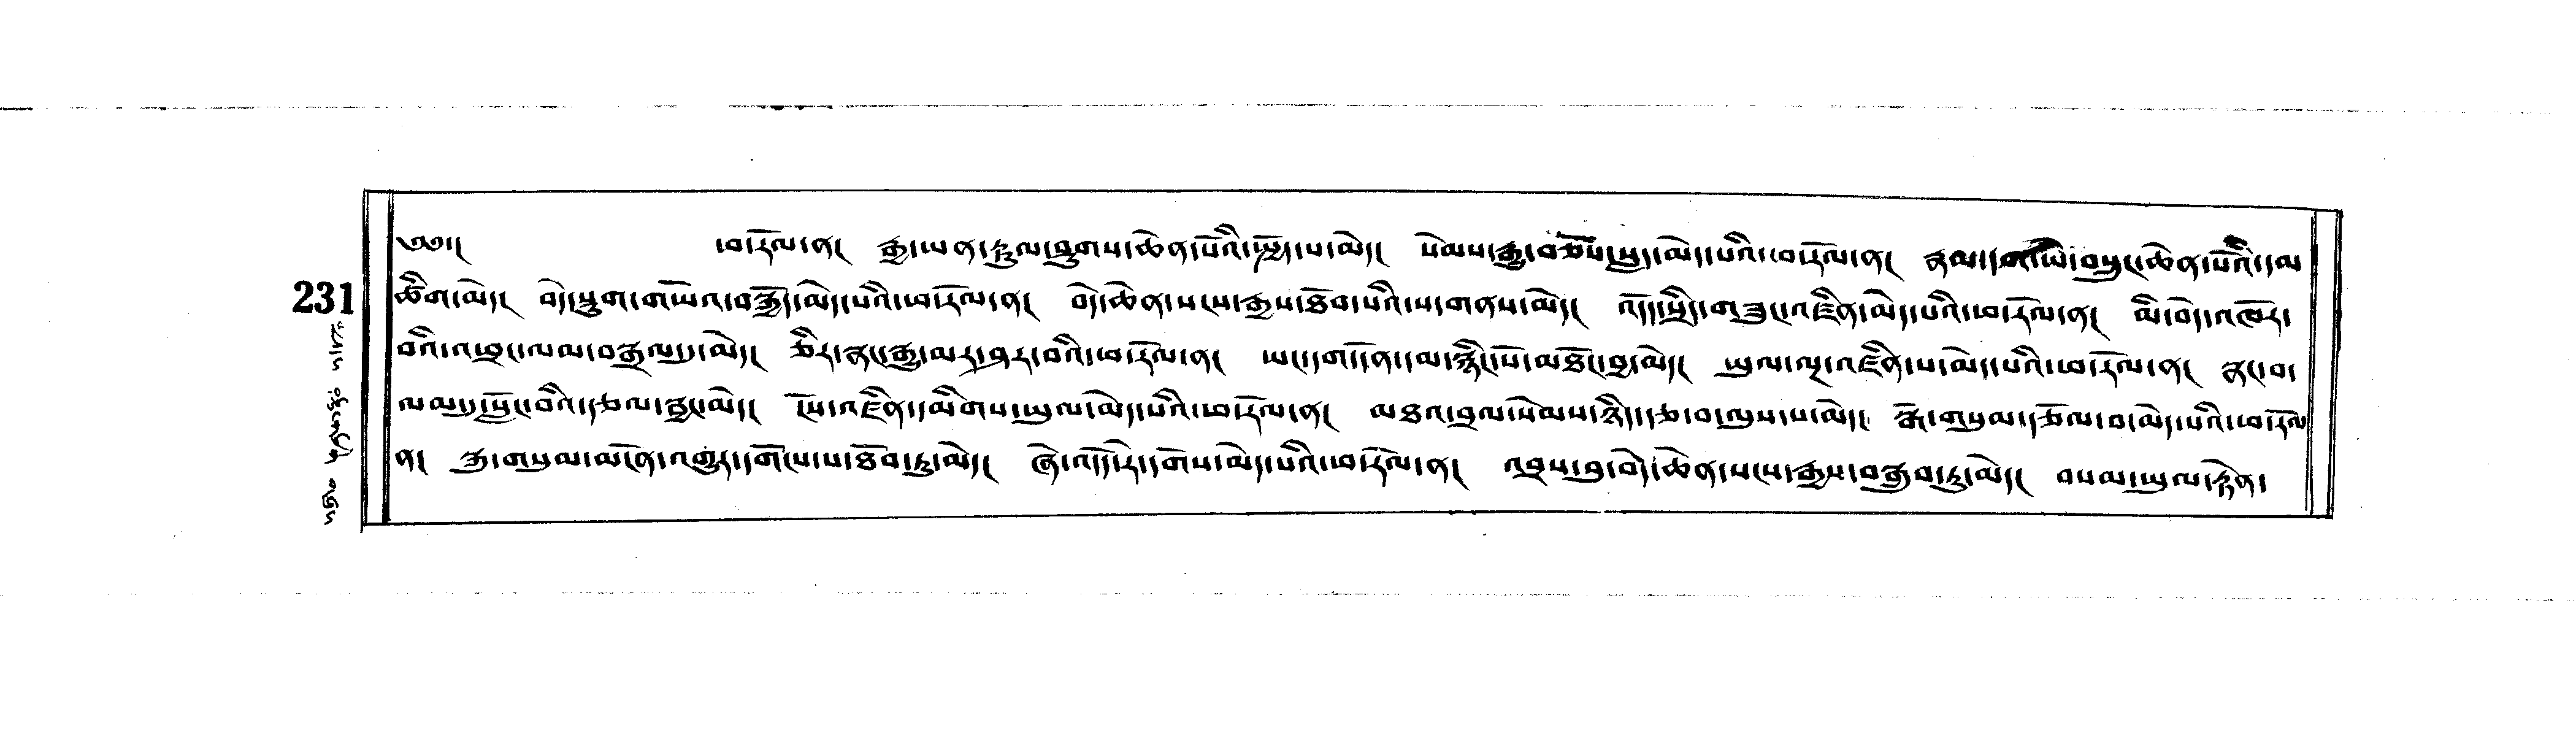ཕ་རོལ་ན། རྒྱ་ཡན་རྟུལ་ཞུགས་ཆེན་པོའི་སྤྱོད་པ་མེད། སེམས་རྒྱུ་བཅོས་སླད་མེད་པའི་ཕ་རོལ་ན། རྣམ་དག་ཡེ་སྲུང་ཆེན་པོའི་དམ་
ཚིག་མེད། བདེ་སྡུག་གཡོ་སྐྱོད་མེད་པའི་ཕ་རོལ་ན། བདེ་ཆེན་སངས་རྒྱས་ཐོབ་པའི་ས་གནས་མེད། འདོད་སྲིད་གཟུང་འཛིན་མེད་པའི་ཕ་རོལ་ན། མི་བདེ་འཁོར་
བའི་འཕྲང་ལམ་བསྒྲལ་དུ་མེད། ཅིར་སྣང་སྒྱུ་མར་ཤར་བའི་ཕ་རོལ་ན། ཡང་དག་དོན་དམ་སྙིང་པོ་མཐོང་བྱ་མེད། ཡུལ་ལྔ་འཛིན་པ་མེད་པའི་ཕ་རོལ་ན། སྣང་བ་
ལམ་དུ་སློང་བའི་རྩལ་སྦྱང་མེད། ངོས་འཛིན་དམིགས་ཡུལ་མེད་པའི་ཕ་རོལ་ན། མཐའ་བྲལ་སེམས་ཉིད་རྩ་བ་ལུས་པ་མེད། སྒོ་གསུམ་རྩོལ་བ་མེད་པའི་ཕ་རོལ་
ན། སྐུ་གསུམ་མངོན་གྱུར་དགོངས་པ་ཐོབ་ཏུ་མེད། ཞེ་འདོད་རེ་དྭོགས་མེད་པའི་ཕ་རོལ་ན། འབྲས་བུ་བདེ་ཆེན་སངས་རྒྱས་བསྒྲུབ་ཏུ་མེད། བསམ་ཡུལ་རྟེན་